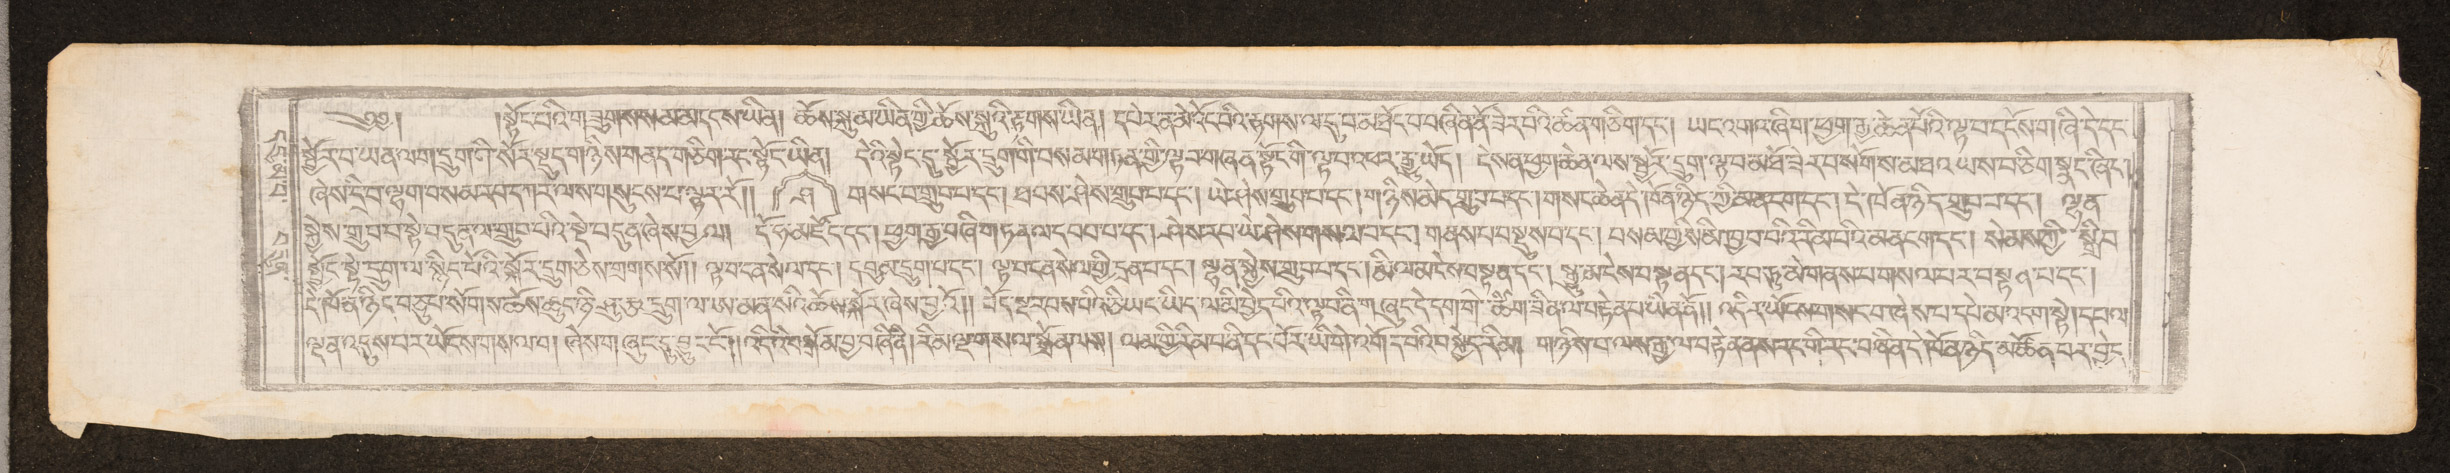༄༅། །སྟོང་པའི་གཟུགས་སམ་མདངས་ཡིན། ཆོས་སྐུ་མ་ཡིན་གྱི་ཆོས་སྐུའི་རྟགས་ཡིན། དཔེར་ན་མེ་འོང་བའི་རྟགས་ལ་དུ་བ་མཐོང་བ་བཞིན་ནོ་ཟེར་བའི་ཚན་གཅིག་དང་། ཡང་འགའ་ཞིག་ཕྱག་རྒྱ་ཆེན་པོའི་ལྟ་བ་དངོས་གཞི་དེ་དང་
སྦྱོར་བ་ཡན་ལག་དྲུག་གི་སོར་སྡུད་གཉིས་གནད་གཅིག་རང་སྟོང་ཡིན། དེའི་སྟེང་དུ་སྦྱོར་དྲུག་གི་བསམ་གཏན་གྱི་ལྟ་བ་གཞན་སྟོང་གི་ལྟ་བ་འཕར་རྒྱུ་ཡོད། དེས་ན་ཕྱག་ཆེན་ལས་སྦྱོར་དྲུག་ལྟ་བ་མཐོ་ཟེར་བ་སོགས་མཐའ་ཡས་པ་ཅིག་སྣང་ཞིང་།
ཞེས་དྲི་བ་ལྷག་བསམ་རབ་དཀར་ལས་གསུངས་པ་ལྟར་རོ།། ༼༽ཤ༼༽ གསང་བ་གྲུབ་པ་དང་། ཐབས་ཤེས་གྲུབ་པ་དང་། ཡེ་ཤེས་གྲུབ་པ་དང་། གཉིས་མེད་གྲུབ་པ་དང་། གསང་ཆེན་དེ་ཁོ་ན་ཉིད་ཀྱི་མན་ངག་དང་། དེ་ཁོ་ན་ཉིད་གྲུབ་པ་དང་། ལྷན་
སྐྱེས་གྲུབ་བ་སྟེ་བདུན་ལ་གྲུབ་པའི་སྡེ་བདུན་ཞེས་བྱ་ལ། དོ་ཧ་མཛོད་དང་། ཕྱག་རྒྱ་བཞི་གཏན་ལ་དབབ་པ་དང་། ཤེས་རབ་ཡེ་ཤེས་གསལ་བ་དང་། གནས་པ་བསྡུས་པ་དང་། བསམ་གྱིས་མི་ཁྱབ་བའི་རིམ་པའི་མནང་ག་དང་། སེམས་ཁི་སྒྲིབ་
སྦྱོར་སྟེ་དྲུག་ལ་སྙིང་པོའི་སྐོར་དྲུག་ཅེས་གྲགས་སོ།། ལྟ་བདན་སེལ་དང་། དབུ་མ་དྲུག་པ་དང་། ལྟ་བ་ངན་སེལ་གྱི་དྲན་པ་དང་། ལྷན་སྐྱེས་གྲུབ་པ་དང་། རྨི་ལམ་ངེས་བསྟན་དང་། སྒྱུ་མ་ངེས་བསྟན་དང་། རབ་ཏུ་མེ་གནས་པ་གསལ་བར་བསྟན་པ་དང་།
དེ་ཁོ་ན་ཉིད་བཅུབ་སོགས་ཆོས་ཆུང་ཉི་ཤུ་རྩ་དྲུག་ལ་ཨ་མ་ན་སའི་ཆོས་སྐོར་ཞེས་བྱའོ།། བོད་སྔ་རབས་པའི་ཅི་ཡང་ཡིད་ལ་མི་བྱེད་པའི་ལྟ་བ་ནི་གཞུང་དེ་དག་གི་ཚིག་ཟིན་ལ་བརྟེན་པ་ཡིན་ནོ།། འདིར་ཡོངས་གསང་བ་ཞེས་པ་དཔེ་མ་འདག་སྟེ།
དཔལ་ལྡན་འདུས་པར་ཡོངས་གསལ་བ། ཞེས་གཞུང་དུ་བྱུང་ངོ།།འདིའི་བསྒོམ་བྱ་བཞིན་ནི། རིམ་ལྡ་གསལ་སྒྲོན་ལ། ལམ་གྱི་རིམ་པ་ནི་དང་པོར་ཡི་གེ་འགོད་པའི་བསྐྱེད་རིམ། གཉིས་པ་ལས་རྒྱ་ལ་བརྟེན་ནས་རང་གི་རང་བཞིན་དེ་ཁོ་ན་ཉིད་མཚོན་པར་བྱེད་